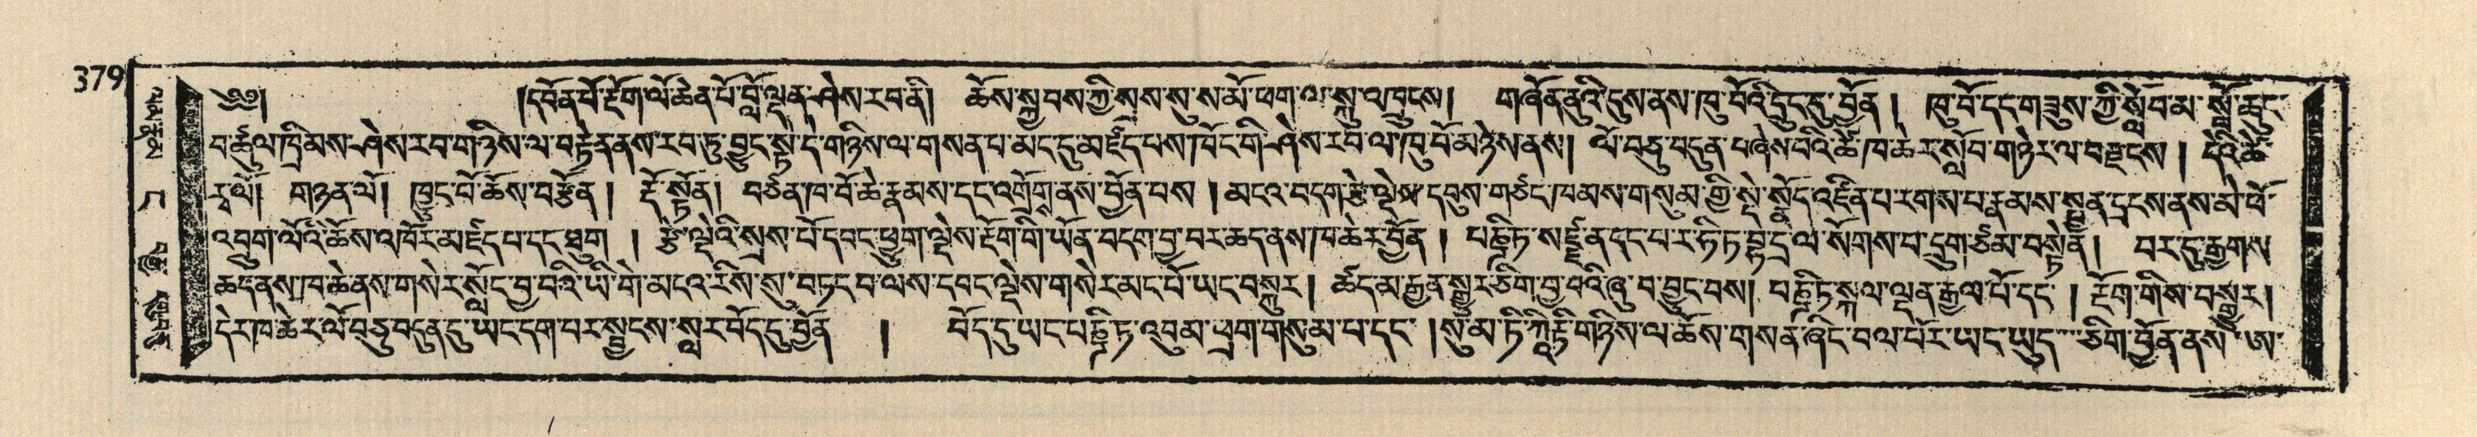༄༅། །དབོན་པོ་རྔོག་ལོ་ཆེན་པོ་བློ་ལྡན་ཤེས་རབ་ནི། ཆོས་སྐྱབས་ཀྱི་སྲས་སུ་ས་མོ་ཕག་ལ་སྐུ་འཁྲུངས། གཞོན་ནུའི་དུས་ནས་ཁུ་བོའི་དྲུང་དུ་བྱོན། ཁུ་བོ་དང་གཟུས་ཀྱི་སློབ་མ་སྦོ་ཆུང་
བ་ཚུལ་ཁྲིམས་ཤེས་རབ་གཉིས་ལ་བརྟེན་ནས་རབ་ཏུ་བྱུང་སྟེ་དེ་གཉིས་ལ་གསན་པ་མང་དུ་མཛད་པས་ཁོང་གི་ཤེས་རབ་ལ་ཁུ་བོ་མཉེས་ནས། ལོ་བཅུ་བདུན་བཞེས་པའི་ཚེ་ཁ་ཆེར་སློབ་གཉེར་ལ་བརྫངས། དེའི་ཚེ་
རྭ་ལོ། གཉན་ལོ། ཁྱུང་བོ་ཆོས་བརྩོན། རྡོ་སྟོན། བཙན་ཁ་བོ་ཆེ་རྣམས་དང་འགྲོགས་ནས་བྱོན་བས། མངའ་བདག་རྩེ་ལྡེས་དབུས་གཙང་ཁམས་གསུམ་གྱི་སྡེ་སྣོད་འཛིན་པ་རགས་པ་རྣམས་སྤྱན་དྲངས་ནས་མེ་ཕོ་
འབྲུག་ལོའི་ཆོས་འཁོར་མཛད་པ་དང་ཐུག། རྩེ་ལྡེའི་སྲས་པོ་དབང་ཕྱུག་ལྡེས་རྔོག་གི་ཡོན་བདག་བྱ་བར་ཆད་ནས་ཁ་ཆེར་བྱོན། པཎྜི་ཏ་སཛྫ་ན་དང་པ་ར་ཧི་ཏ་བྷ་དྲ་ལ་སོགས་པ་དྲུག་ཙམ་བསྟེན། བར་དུ་རྒྱགས་
ཆད་ནས་ཁ་ཆེ་ནས་གསེར་སློང་བྱ་བའི་ཡི་གེ་མངའ་རིས་སུ་བཏང་བ་ལས་དབང་ལྡེས་གསེར་མང་པོ་ཡང་བསྐུར། ཚད་མ་རྒྱན་སྒྱུར་ཅིག་བྱ་བའི་ཞུ་བ་བྱུང་བས། པཎྜི་ཏ་སྐལ་ལྡན་རྒྱལ་པོ་དང་། རྔོག་གིས་བསྒྱུར།
དེར་ཁ་ཆེར་ལོ་བཅུ་བདུན་དུ་ཡང་དག་པར་སྦྱངས་སླར་བོད་དུ་བྱོན། བོད་དུ་ཡང་པཎྜི་ཏ་འབུམ་ཕྲག་གསུམ་པ་དང་། སུ་མ་ཏི་ཀཱིརྟི་གཉིས་ལ་ཆོས་གསན་ཞིང་བལ་པོར་ཡང་ཡུད་ཅིག་བྱོན་ནས་ཨ་